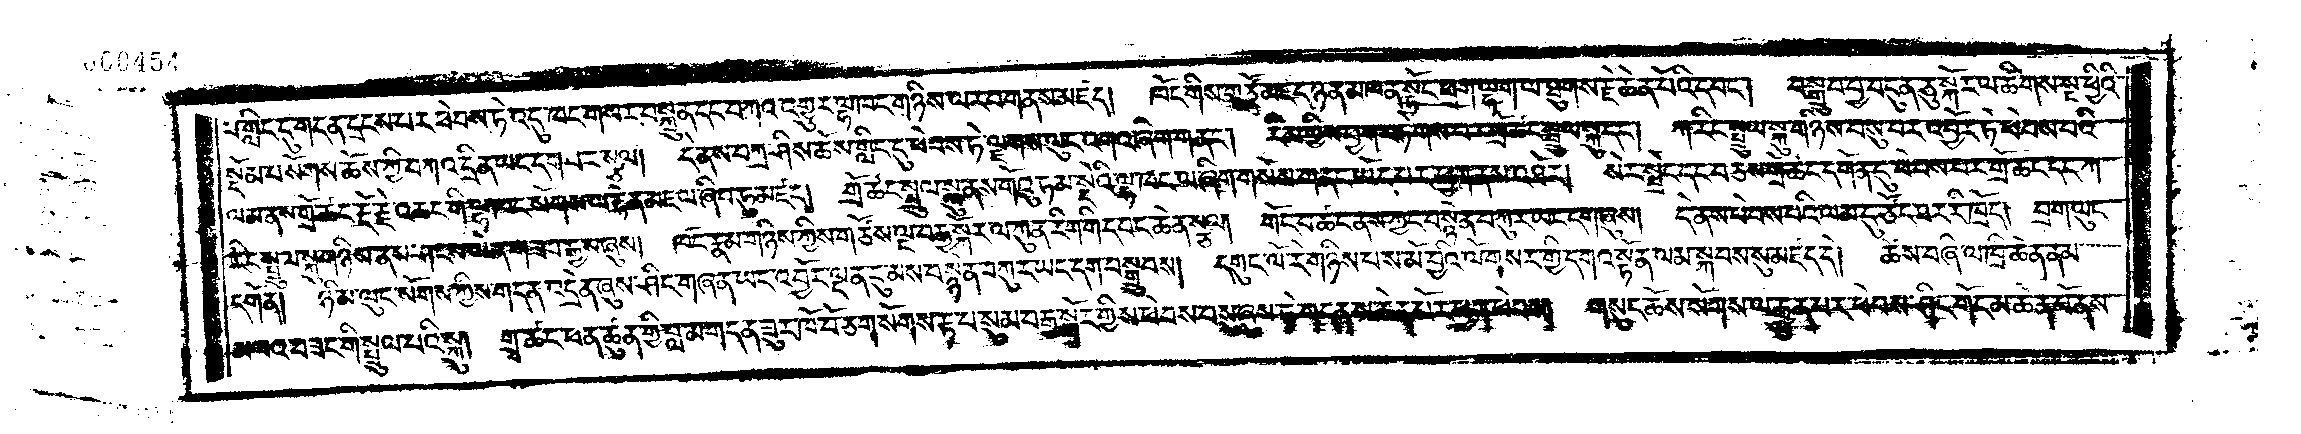པ་གླིང་དུ་གདན་དྲངས་པར་ཕེབས་ཏེ་འདུ་ཁང་གསར་བསྐྲུན་དང་བཀའ་འགྱུར་ལྷ་ཁང་གཉིས་ལ་རབ་གནས་མཛད། ཁོང་གིས་གཙོ་མཛད་ཉན་མཁན་སྟོང་ཕྲག་ལྷག་ལ་ཐུགས་རྗེ་ཆེན་པོའི་དབང་། བསྒྲུབ་བྱ་བདུན་ཅུ་སྐོར་ལ་ཚིགས་སྔ་ཕྱིའི་
སྡོམ་པ་སོགས་ཆོས་ཀྱི་བཀའ་དྲིན་ཡང་དག་པར་སྩལ། དེ་ནས་བཀྲ་ཤིས་ཆོས་གླིང་དུ་ཕེབས་ཏེ་ལྗགས་ལུང་འགའ་ཞིག་གནང་། རིམ་གྱིས་ཕྱག་བཏེགས་པར་གྲོ་ཚང་སྤྲུལ་སྐུ་དང་། ཀ་རིང་སྤྲུལ་སྐུ་གཉིས་བསུ་བར་འབྱོར་ཏེ་ཕེབས་པའི་
ལམ་ནས་གྲོ་ཚང་རྡོ་རྗེ་འཆང་གི་ལྷ་ཁང་སོགས་ལ་རྟེན་མཇལ་ཞིབ་ཏུ་མཛད། གྲོ་ཚང་སྤྲུལ་སྐུ་ནས་གོའུ་ཏམ་སྡེའི་ལྷ་ཁང་ལ་ཞིག་གསོས་གནང་ཡོད་པར་ཕྱག་ནས་འཐོར། སེར་སྦྲེང་དང་བཅས་གྲོ་ཚང་དགོན་དུ་ཕེབས་པར་གྲོ་ཚང་དང་ཀ་
རིང་སྤྲུལ་སྐུ་གཉིས་ནས་ཤངས་ལེན་གཟབ་རྒྱས་ཞུས། ཁོང་རྣམ་གཉིས་ཀྱིས་གཙོས་ལྔ་བརྒྱ་སྐོར་ལ་ཀུན་རིག་གི་དབང་ཆེན་སྩལ། གོང་བ་ཚང་ནས་ཀྱང་བསྙེན་བཀུར་ཡང་དག་ཞུས། དེ་ནས་ཕེབས་པའི་ལམ་དུ་ཙོང་ཐར་རི་ཁྲོད། བྲག་ལུང་
དགོན། ཉི་མ་ལུང་སོགས་ཀྱིས་གདན་འདྲེན་ཞུས་ཤིང་གཞན་ཡང་འབྱོར་ལྡན་དུ་མས་བསྙེན་བཀུར་ཡང་དག་བསྒྲུབས། དགུང་ལོ་རེ་གཉིས་པ་ས་མོ་བྱའི་ལོ་གསར་གྱི་དགའ་སྟོན་ལམ་སྐབས་སུ་མཛད་དེ། ཚེས་བཞི་ལ་ཁྲི་ཆེན་ནམ་
མཁའ་བཟང་གི་སྤྲུལ་པའི་སྐུ། གྲྭ་ཚང་ཕན་ཚུན་གྱི་བླ་མ་གདན་ཟུར་ཁོ་བོ་ཅག་སོགས་རྟ་པ་སུམ་བརྒྱ་སྐོར་གྱིས་ཕེབས་བསུ་ཞུས་ཏེ་གདན་ས་ཆེན་པོར་ཕྱག་ཕེབས། གསུང་ཆོས་སོགས་ལ་རྒྱུན་པར་ཕེབས་ཤིང་གོང་མ་ཆེན་པོ་ནས་